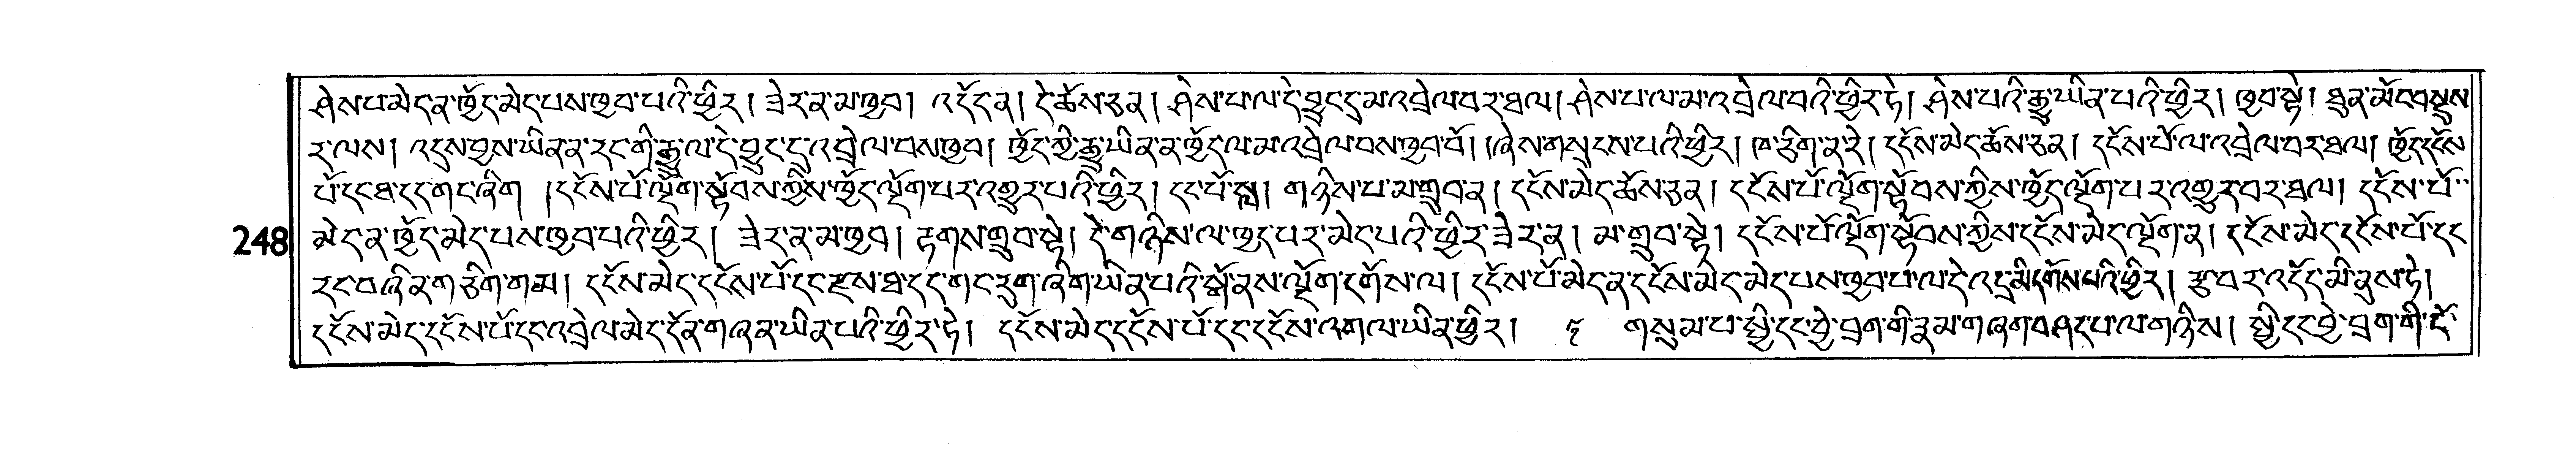ཤེས་པ་མེད་ན་ཁྱོད་མེད་པས་ཁྱབ་པའི་ཕྱིར། ཟེར་ན་མ་ཁྱབ། འདོད་ན། དེ་ཆོས་ཅན། ཤེས་པ་ལ་དེ་བྱུང་དུ་མ་འབྲེལ་བར་ཐལ། ཤེས་པ་ལམ་འབྲེལ་བའི་ཕྱིར་ཏེ། ཤེས་པའི་རྒྱུ་ཡིན་པའི་ཕྱིར། ཁྱབ་སྟེ། ཐུན་མོང་བསྡུས་
ར་ལས། འདུས་བྱས་ཡིན་ན་རང་གི་རྒྱུ་ལ་དེ་བྱུང་དུ་འབྲེལ་བས་ཁྱབ། ཁྱོད་ཀྱི་རྒྱུ་ཡིན་ན་ཁྱོད་ལ་མ་འབྲེལ་བས་ཁྱབ་བོ། །ཞེས་གསུངས་པའི་ཕྱིར། ཁ་ཅིག་ན་རེ། དངོས་མེད་ཆོས་ཅན། དངོས་པོ་ལ་འབྲེལ་བར་ཐལ། ཁྱོད་དངོས་
པོ་དང་ཐ་དད་གང་ཞིག །དངོས་པོ་ལྡོག་སྟོབས་ཀྱིས་ཁྱོད་ལྡོག་པར་འགྱུར་པའི་ཕྱིར། དང་པོ་སླ། གཉིས་པ་མ་གྲུབ་ན། དངོས་མེད་ཆོས་ཅན། དངོས་པོ་ལྡོག་སྟོབས་ཀྱིས་ཁྱོད་ལྡོག་པར་འགྱུར་བར་ཐལ། དངོས་པོ་
མེད་ན་ཁྱོད་མེད་པས་ཁྱབ་པའི་ཕྱིར། ཟེར་ན་མ་ཁྱབ། རྟགས་གྲུབ་སྟེ། དེ་གཉིས་ལ་ཁྱད་པར་མེད་པའི་ཕྱིར་ཟེར་ན། མ་གྲུབ་སྟེ། དངོས་པོ་ལྡོག་སྟོབས་ཀྱིས་དངོས་མེད་ལྡོག་ན། དངོས་མེད་དངོས་པོ་དང་
རང་བཞིན་གཅིག་གམ། དངོས་མེད་དངོས་པོ་དང་རྫས་ཐ་དད་གང་རུག་ཞིག་ཡིན་པའི་སྒོ་ནས་ལྡོག་དགོས་ལ། དངོས་པོ་མེད་ན་དངོས་མེད་མེད་པས་ཁྱབ་པ་ལ་དེ་འདྲ་མི་དགོས་པའི་ཕྱིར། རྩ་བར་འདོད་མི་ནུས་ཏེ།
དངོས་མེད་དངོས་པོ་དང་འབྲེལ་མེད་དོན་གཞན་ཡིན་པའི་ཕྱིར་ཏེ། དངོས་མེད་དངོས་པོ་དང་དངོས་འགལ་ཡིན་ཕྱིར། ༈ གསུམ་པ་སྤྱི་དང་བྱེ་བྲག་གི་རྣམ་གཞག་བཤད་པ་ལ་གཉིས། སྤྱི་དང་བྱེ་བྲག་གི་ངོ་